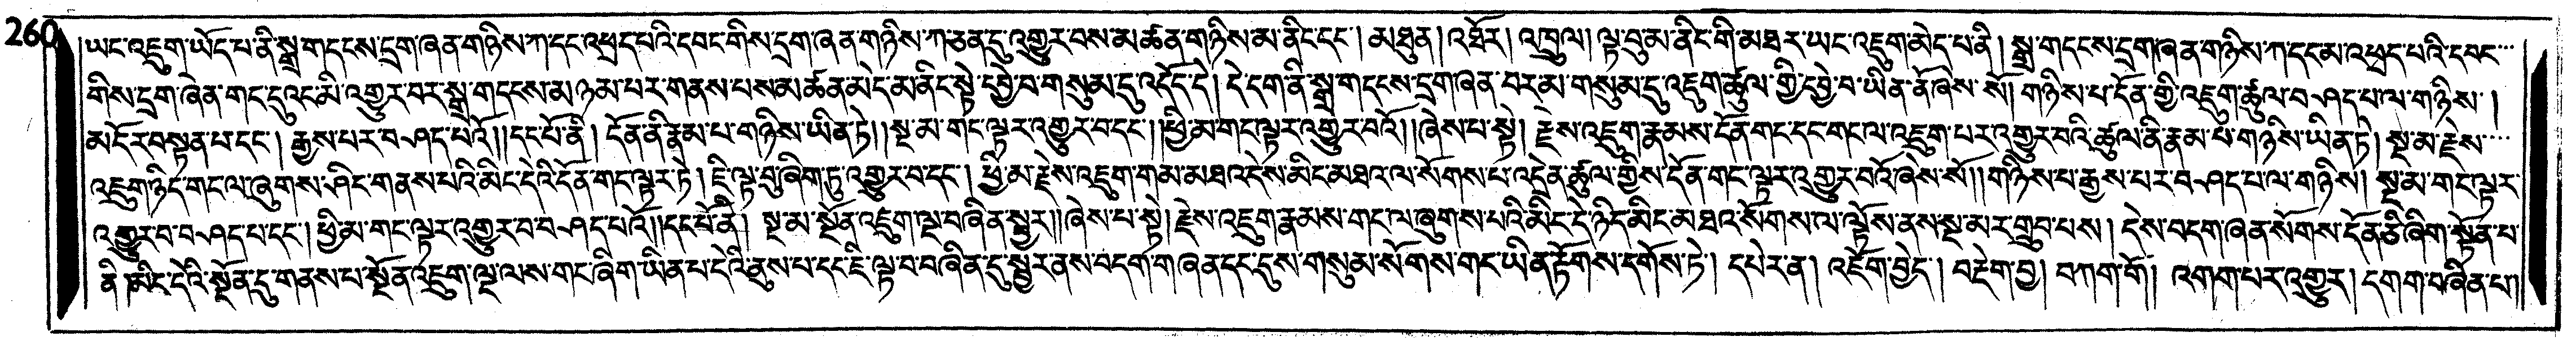ཡང་འཇུག་ཡོད་པ་ནི་སྒྲ་གདངས་དྲག་ཞན་གྱིས་ཀ་དང་འཕྲད་པའི་དབང་གིས་དྲག་ཞན་གཉིས་ཀ་ཅན་དུ་འགྱུར་བས་མཚན་གཉིས་མ་ནིང་དང་། མཐུན། འཐོར། འཁྲུལ། ལྟ་བུ་མ་ནིང་གི་མཐར་ཡང་འཇུག་མེད་པ་ནི། སྒྲ་གདངས་དྲག་ཞན་གཉིས་ཀ་དང་མ་འཕྲད་པའི་དབང་
གིས་དྲག་ཞེན་གང་དུའང་མི་འགྱུར་བར་སྒྲ་གདངས་མཉམ་པར་གནས་པས་མཚན་མེད་མ་ནིང་སྟེ་དབྱེ་བ་གསུམ་དུ་འདོད་དེ། དེ་དག་ནི་སྒྲ་གདངས་དྲག་གཞན་བར་མ་གསུམ་དུ་འཇུག་ཚུལ་གྱི་དབྱེ་བ་ཡིན་ནོ་ཞེས་སོ། གཉིས་པ་དོན་གྱི་འཇུག་ཚུལ་བཤད་པ་ལ་གཉིས།
མདོར་བསྟན་པ་དང་། རྒྱས་པར་བཤད་པའོ། །དང་པོ་ནི། དོན་ནི་རྣམ་པ་གཉིས་ཡིན་ཏེ། །སྔ་མ་གང་ལྟར་འགྱུར་བ་དང་། །ཕྱི་མ་གང་ལྟར་འགྱུར་བའོ། །ཞེས་པ་སྟེ། རྗེས་འཇུག་རྣམས་དོན་གང་དང་གང་ལ་འཇུག་པར་འགྱུར་བའི་ཚུལ་ནི་རྣམ་པ་གཉིས་ཡིན་ཏེ། སྔ་མ་རྗེས་
འཇུག་ཉིད་གང་ལ་ཞུགས་ཤིང་གནས་པའི་མིང་དེའི་དོན་གང་ལྟར་ཏེ། ཇི་ལྟ་བུ་ཞིག་ཏུ་འགྱུར་བ་དང་། ཕྱི་མ་རྗེས་འཇུག་གམ་མཐའ་དེས་མིང་མཐའ་ལ་སོགས་པ་འདྲེན་ཚུལ་གྱིས་དོན་གང་ལྟར་འགྱུར་བའོ་ཞེས་སོ། །གཉིས་པ་རྒྱས་པར་བཤད་པ་ལ་གཉིས། སྔ་མ་གང་ལྟར་
འགྱུར་བ་བཤད་པ་དང་། ཕྱི་མ་གང་ལྟར་འགྱུར་བ་བཤད་པའོ། །དང་པོ་ནི། སྔ་མ་སྔོན་འཇུག་ལྔ་བཞིན་སྦྱར། །ཞེས་པ་སྟེ། རྗེས་འཇུག་རྣམས་གང་ལ་ཞུགས་པའི་མིང་དེ་ཉིད་མིང་མཐའ་སོགས་ལ་ལྟོས་ནས་སྔ་མར་གྲུབ་པས། དེས་བདག་གཞན་སོགས་དོན་ཅི་ཞིག་སྟོན་པ་
ནི་།མིང་དེའི་སྔོན་དུ་གནས་པ་སྔོན་འཇུག་ལྔ་ལས་གང་ཞིག་ཡིན་པ་དེའི་ནུས་པ་དང་ཇི་ལྟ་བ་བཞིན་དུ་སྦྱར་ནས་བདག་གཞན་དང་དུས་གསུམ་སོགས་གང་ཡིན་རྟོགས་དགོས་ཏེ། དཔེར་ན། འཇོག་བྱེད། བརྡེག་བྱ། བཀག་གོ། འགག་པར་འགྱུར། དགག་བཞིན་པ་